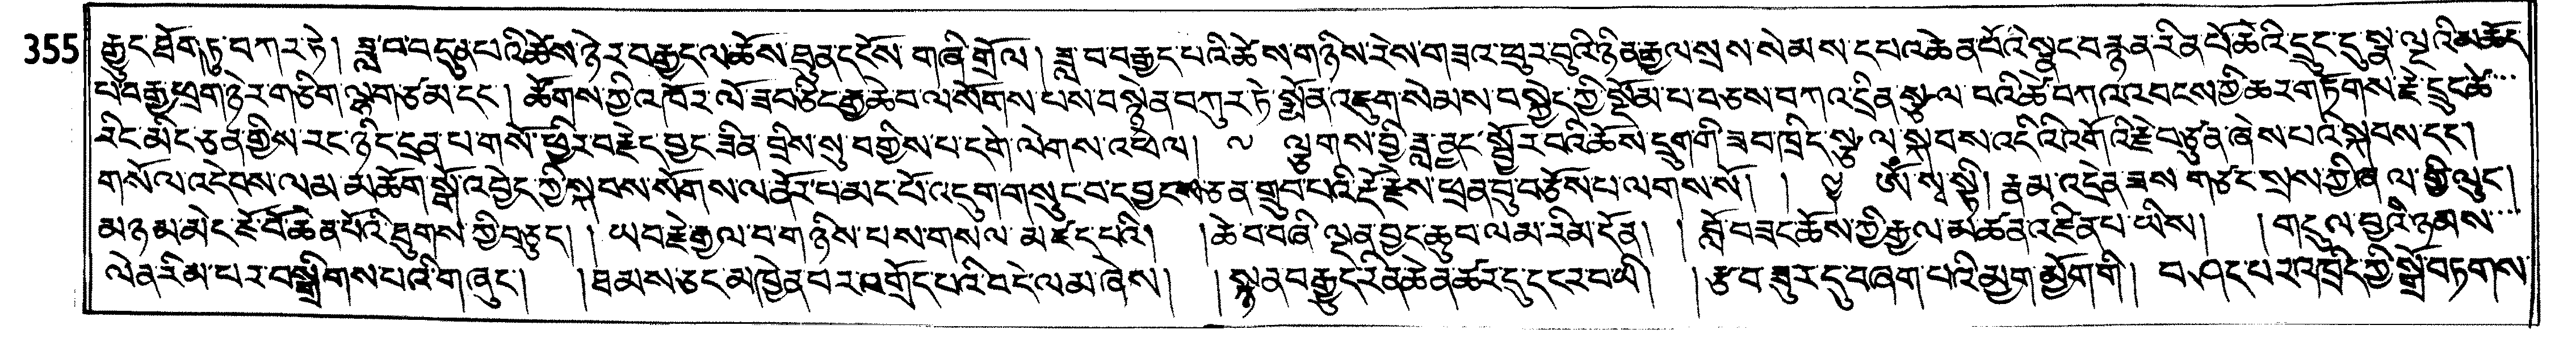རྒྱུད་ཐོག་ཏུ་བཀར་ཏེ། ཟླ་བ་བདུན་པའི་ཚེས་ཉེར་བརྒྱད་ལ་ཆོས་ཐུན་དངོས་གཞི་གྲོལ། ཟླ་བ་བརྒྱད་པའི་ཚེས་གཉིས་རེས་གཟའ་ཕུར་བུའི་ཉིན་རྒྱལ་སྲས་སེམས་དཔའ་ཆེན་པོའི་སྣང་བརྙན་རིན་པོ་ཆེའི་དྲུང་དུ་སྣ་ལྔའི་མཆོད་
པ་བརྒྱ་ཕྲག་ཉེར་གཅིག་ལྷག་ཙམ་དང་། ཚོགས་ཀྱི་འཁོར་ལོ་ཟབ་ཅིང་རྒྱ་ཆེ་བ་ལ་སོགས་པས་བསྙེན་བཀུར་ཏེ་སྨོན་འཇུག་སེམས་བསྐྱེད་ཀྱི་སྡོམ་པ་བཅས་བཀའ་དྲིན་སྩལ་བའི་ཚེ་བཀའ་འབངས་ཀྱི་ཆར་གཏོགས་རྗེ་དྲུང་ཚེ་
རིང་མིང་ཅན་གྱིས་རང་ཉིད་དྲན་པ་གསོ་ཕྱིར་བརྗེད་བྱང་ཟིན་བྲིས་སུ་བགྱིས་པ་དགེ་ལེགས་འཕེལ། ?་ལྕགས་བྱི་ཟླ་ནང་སྦྱོར་བའི་ཆོས་དྲུག་གི་ཟབ་ཁྲིད་སྩལ་སྐབས་འདིའི་འགོའི་རྗེ་བཙུན་ཞེས་པའི་སྐབས་དང་།
གསོལ་འདེབས་ལམ་མཆོག་སྒོ་འབྱེད་ཀྱི་སྐབས་སོགས་ལ་ནོར་པ་མང་པོ་འདུག་གསུང་བ་དབྱངས་ཅན་གྲུབ་པའི་རྡོ་རྗེས་ཕྲན་བུ་བཅོས་པ་ལགས་སོ། །༈ ཨོཾ་སྭ་སྟི། རྣམ་འདྲེན་ཟས་གཙང་སྲས་ཀྱི་ཞལ་གྱི་ལུང་།
མཉམ་མེད་ཇོ་བོ་ཆེན་པོའི་ཐུགས་ཀྱི་བཅུད། །ཡབ་རྗེ་རྒྱལ་བ་གཉིས་པས་གསལ་མཛད་པའི། །ཆེ་བ་བཞི་ལྡན་བྱང་ཆུབ་ལམ་རིམ་དོན། །བློ་བཟང་ཆོས་ཀྱི་རྒྱལ་མཚན་འཛིན་པ་ཡིས། །གདུལ་བྱའི་ཉམས་
ལེན་རིམ་པར་བསྒྲིགས་པའི་གཞུང་། །ཐམས་ཅད་མཁྱེན་པར་འགྲོད་པའི་བདེ་ལམ་ཞེས། །སྙན་བརྒྱུད་རིན་ཆེན་ཚར་དུ་དངར་བ་ཡི། །རྩ་བ་ཟུར་དུ་བཞག་པའི་མྱག་མྱོག་གི །བཤད་པར་འཁྲིད་ཀྱི་སྒྲོ་བཏགས་